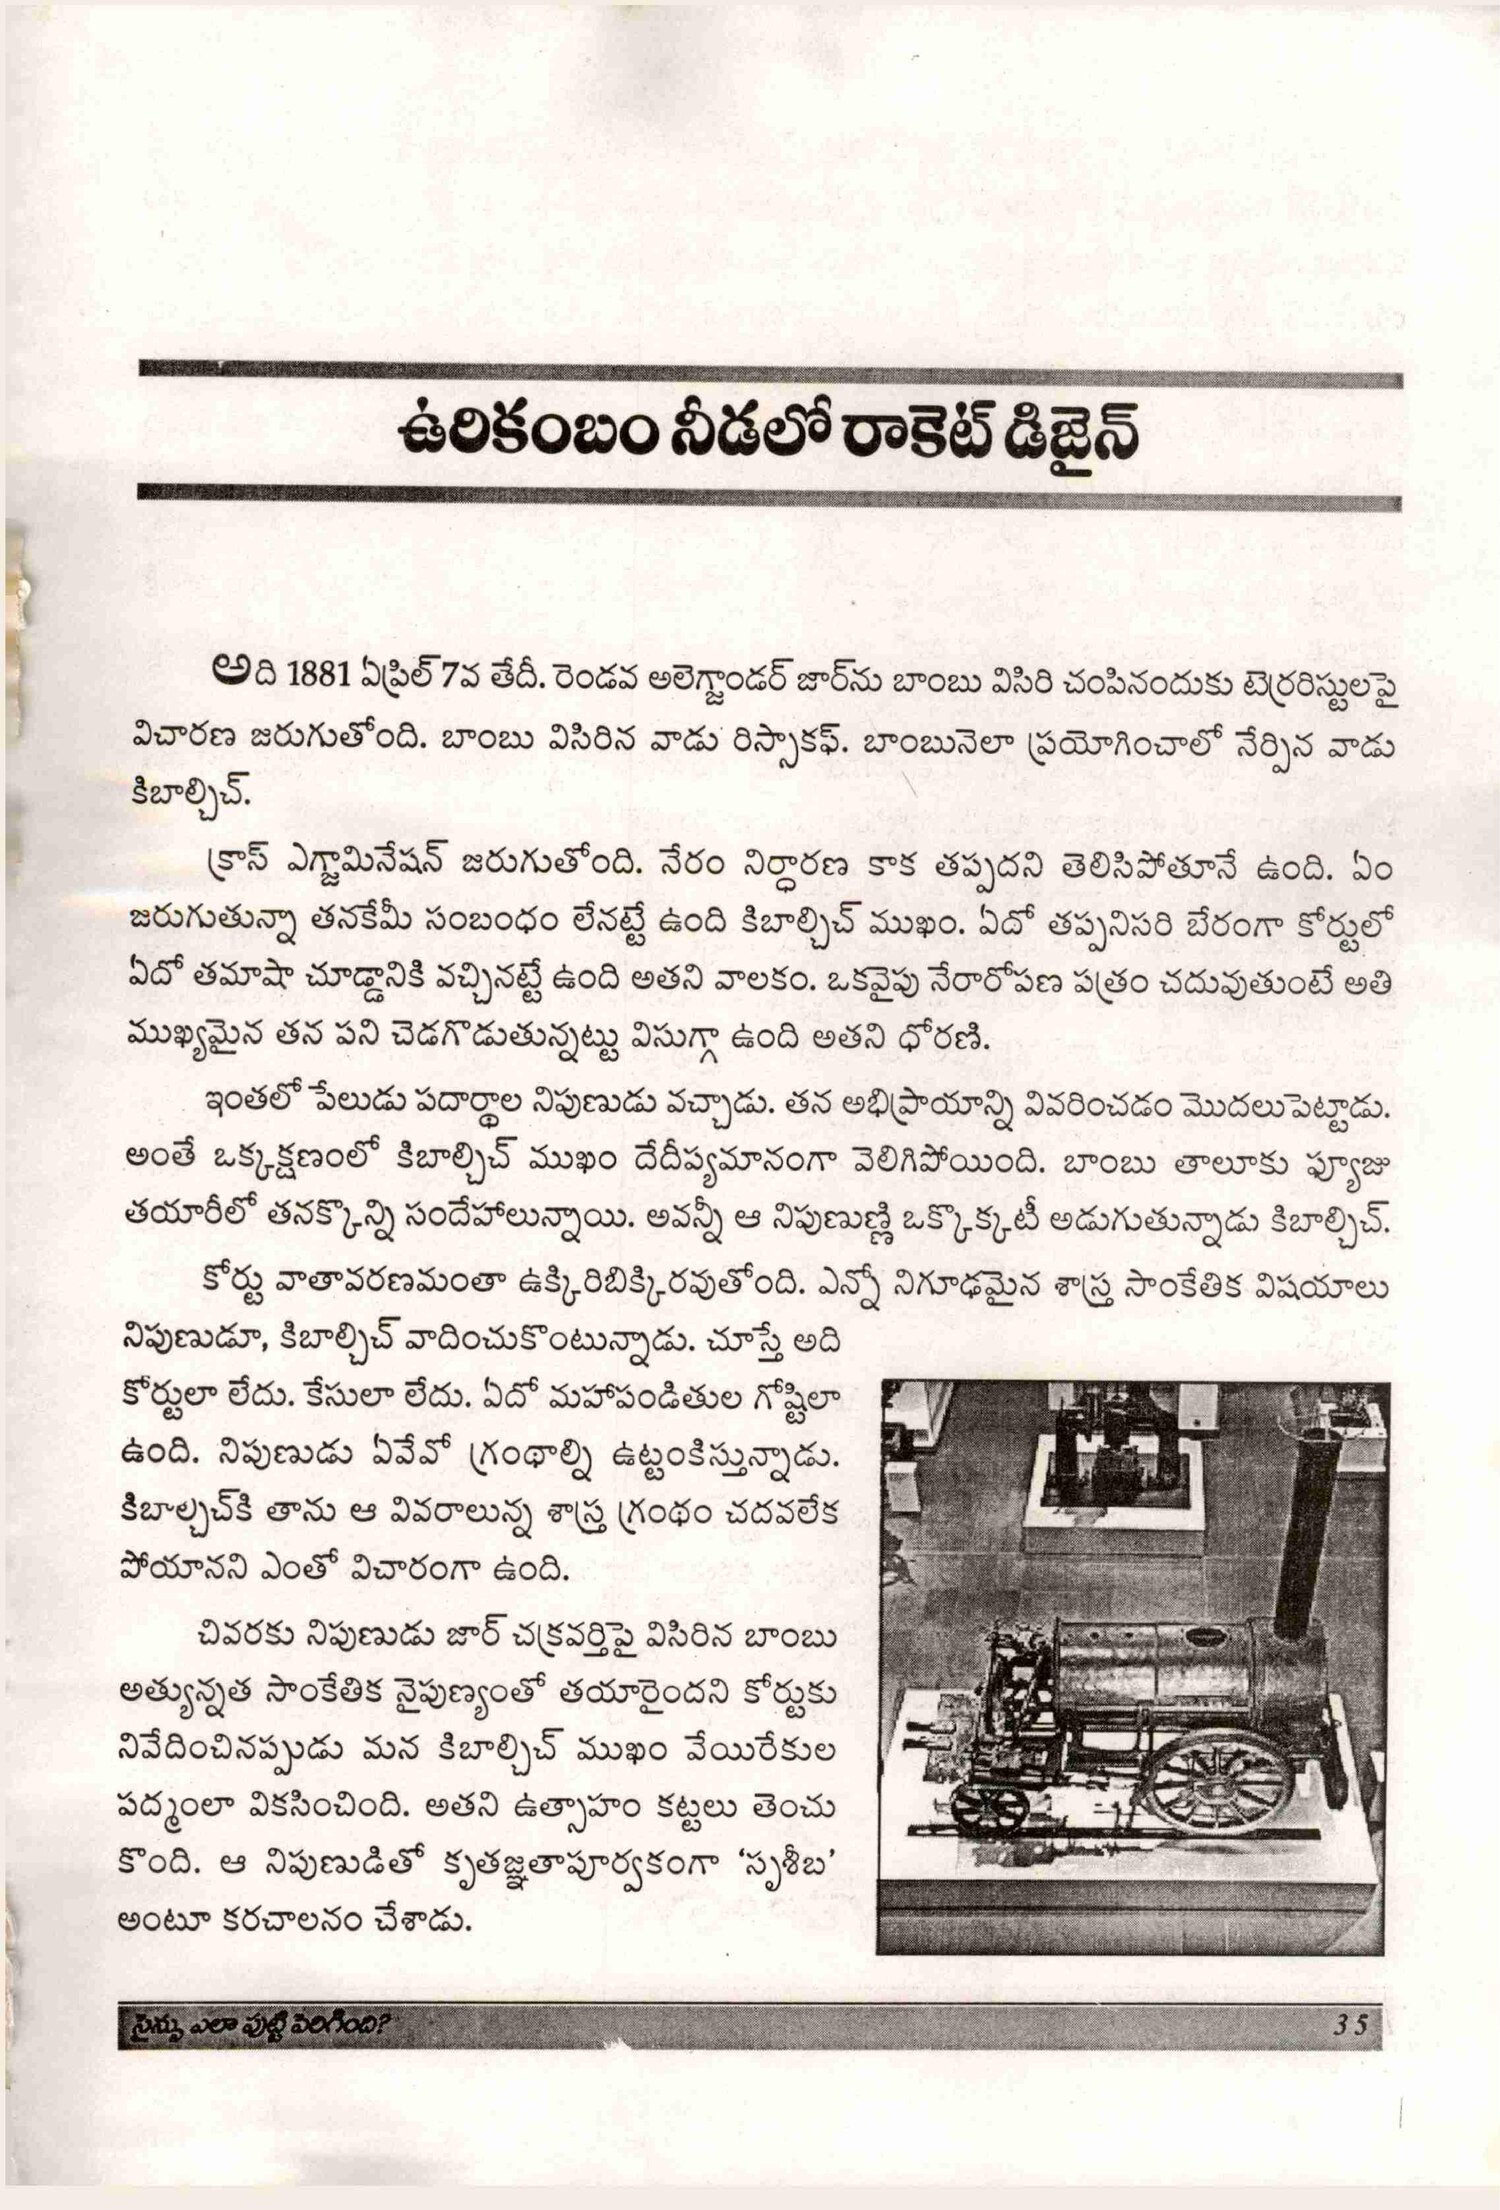ఉరికంబం నీడలో రాకెట్ డిజైన్‌

అది 1881 ఏప్రిల్ 7వ తేదీ. రెండవ అలెగ్జాండర్ జార్‌ను బాంబు విసిరి చంపినందుకు టెర్రరిస్టులపై విచారణ జరుగుతోంది. బాంబు విసిరిన వాడు రిస్సాకఫ్. బాంబునెలా ప్రయోగించాలో నేర్పిన వాడు కిబాల్చిచ్.

క్రాస్ ఎగ్జామినేషన్ జరుగుతోంది. నేరం నిర్ధారణ కాక తప్పదని తెలిసిపోతూనే ఉంది. ఏం జరుగుతున్నా తనకేమీ సంబంధం లేనట్టే ఉంది కిబాల్చిచ్ ముఖం. ఏదో తప్పనిసరి బేరంగా కోర్టులో ఏదో తమాషా చూడ్డానికి వచ్చినట్టే ఉంది అతని వాలకం. ఒకవైపు నేరారోపణ పత్రం చదువుతుంటే అతి ముఖ్యమైన తన పని చెడగొడుతున్నట్టు విసుగ్గా ఉంది అతని ధోరణి.

ఇంతలో పేలుడు పదార్థాల నిపుణుడు వచ్చాడు. తన అభిప్రాయాన్ని వివరించడం మొదలుపెట్టాడు. అంతే ఒక్కక్షణంలో కిబాల్చిచ్ ముఖం దేదీప్యమానంగా వెలిగిపోయింది. బాంబు తాలూకు ఫ్యూజు తయారీలో తనక్కొన్ని సందేహాలున్నాయి. అవన్నీ ఆ నిపుణుణ్ణి ఒక్కొక్కటీ అడుగుతున్నాడు కిబాల్చిచ్.

కోర్టు వాతావరణమంతా ఉక్కిరిబిక్కిరవుతోంది. ఎన్నో నిగూఢమైన శాస్త్ర సాంకేతిక విషయాలు నిపుణుడూ, కిబాల్చిచ్ వాదించుకొంటున్నాడు. చూస్తే అది కోర్టులా లేదు. కేసులా లేదు. ఏదో మహాపండితుల గోష్టిలా ఉంది. నిపుణుడు ఏవేవో గ్రంథాల్ని ఉట్టంకిస్తున్నాడు. కిబాల్చచ్‌కి తాను ఆ వివరాలున్న శాస్త్ర గ్రంథం చదవలేక పోయానని ఎంతో విచారంగా ఉంది.

చివరకు నిపుణుడు జార్ చక్రవర్తిపై విసిరిన బాంబు అత్యున్నత సాంకేతిక నైపుణ్యంతో తయారైందని కోర్టుకు
నివేదించినప్పుడు మన కిబాల్చిచ్ ముఖం వేయిరేకుల పద్మంలా వికసించింది. అతని ఉత్సాహం కట్టలు తెంచుకొంది. ఆ నిపుణుడితో కృతజ్ఞతాపూర్వకంగా 'సృశీబ' అంటూ కరచాలనం చేశాడు.